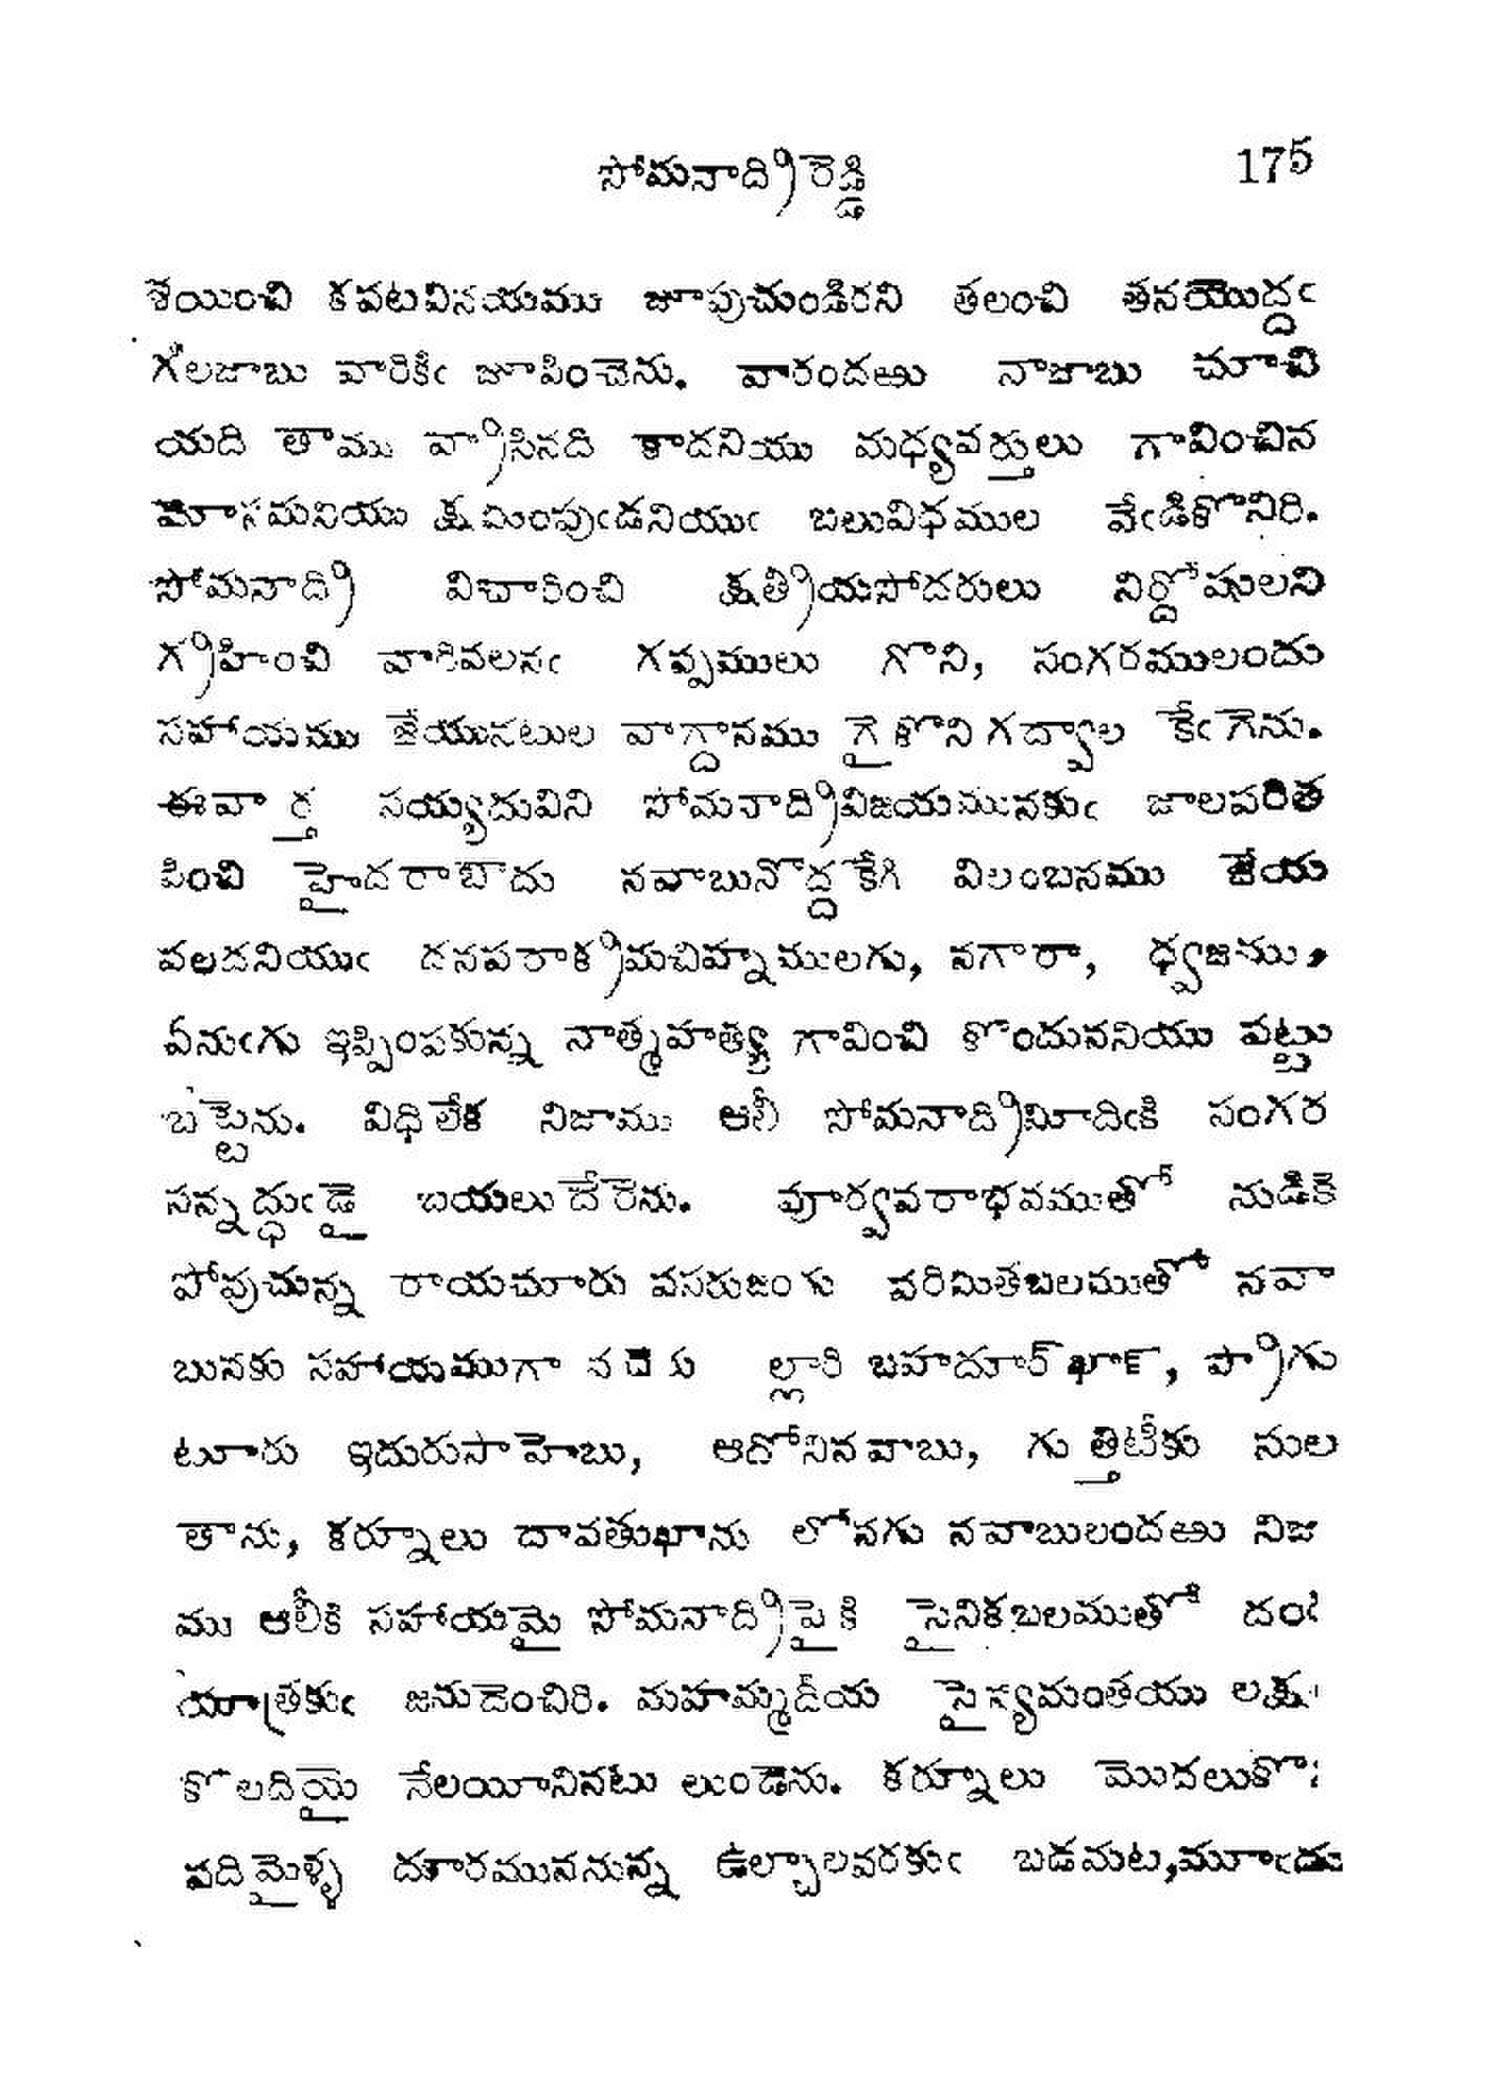శయించి కపటవినయము జూపుచుండిరని తలంచి తనయొద్ద గల జాబు వారికి జూపించెను. వారందఱు నాజాబు చూచి యది తాము వ్రాసినది కాదనియు మధ్యవర్తులు గావించిన మోసమనియు క్షమింపుడనియు బలువిధముల వేడికొనిరి. సోమనాద్రి విచారించి క్షత్రియ సోదరులు నిర్దోషులని గ్రహించి వారివలన గప్పములు గొని, సంగరములందు సహాయము జేయునటుల వాగ్దానము గైకొని గద్వాల కేగెను. ఈవార్త సయ్యదువిని సోమనాద్రివిజయమునకు జాలపరితపించి హైదరాబాదు నవాబునొద్దకేగి విలంబనము జేయవలదనియు దనపరాక్రమచిహ్నములగు, నగారా, ధ్వజము, ఏనుగు ఇప్పింపకున్న నాత్మహత్య గావించి కొందుననియు పట్టుబట్టెను. విధిలేక నిజాము ఆలీ సోమనాద్రిమీదికి సంగర సన్నద్ధుడై బయలుదేరెను. పూర్వపరాభవముతో నుడికి పోవుచున్న రాయచూరు పసరుజంగు పరిమితబలముతో నవాబునకు సహాయముగా వచ్చెను. -- ల్లారి బహదూర్‌ఖాన్, ప్రాగుటూరు ఇదురుసాహెబు, ఆదోనినవాబు, గుత్తిటీకు సులతాను, కర్నూలు దావతుఖాను లోనగు నవాబులందఱు నిజాము ఆలీకి సహాయమై సోమనాద్రిపైకి సైనికబలముతో దండయాత్రకు జనుదెంచిరి. మహమ్మదీయ సైన్యమంతయు లక్షల కొలదియై నేలయీనినటు లుండెను. కర్నూలు మొదలుకొని పదిమైళ్ళ దూరముననున్న ఉల్చాలవరకు బడమట, మూడు